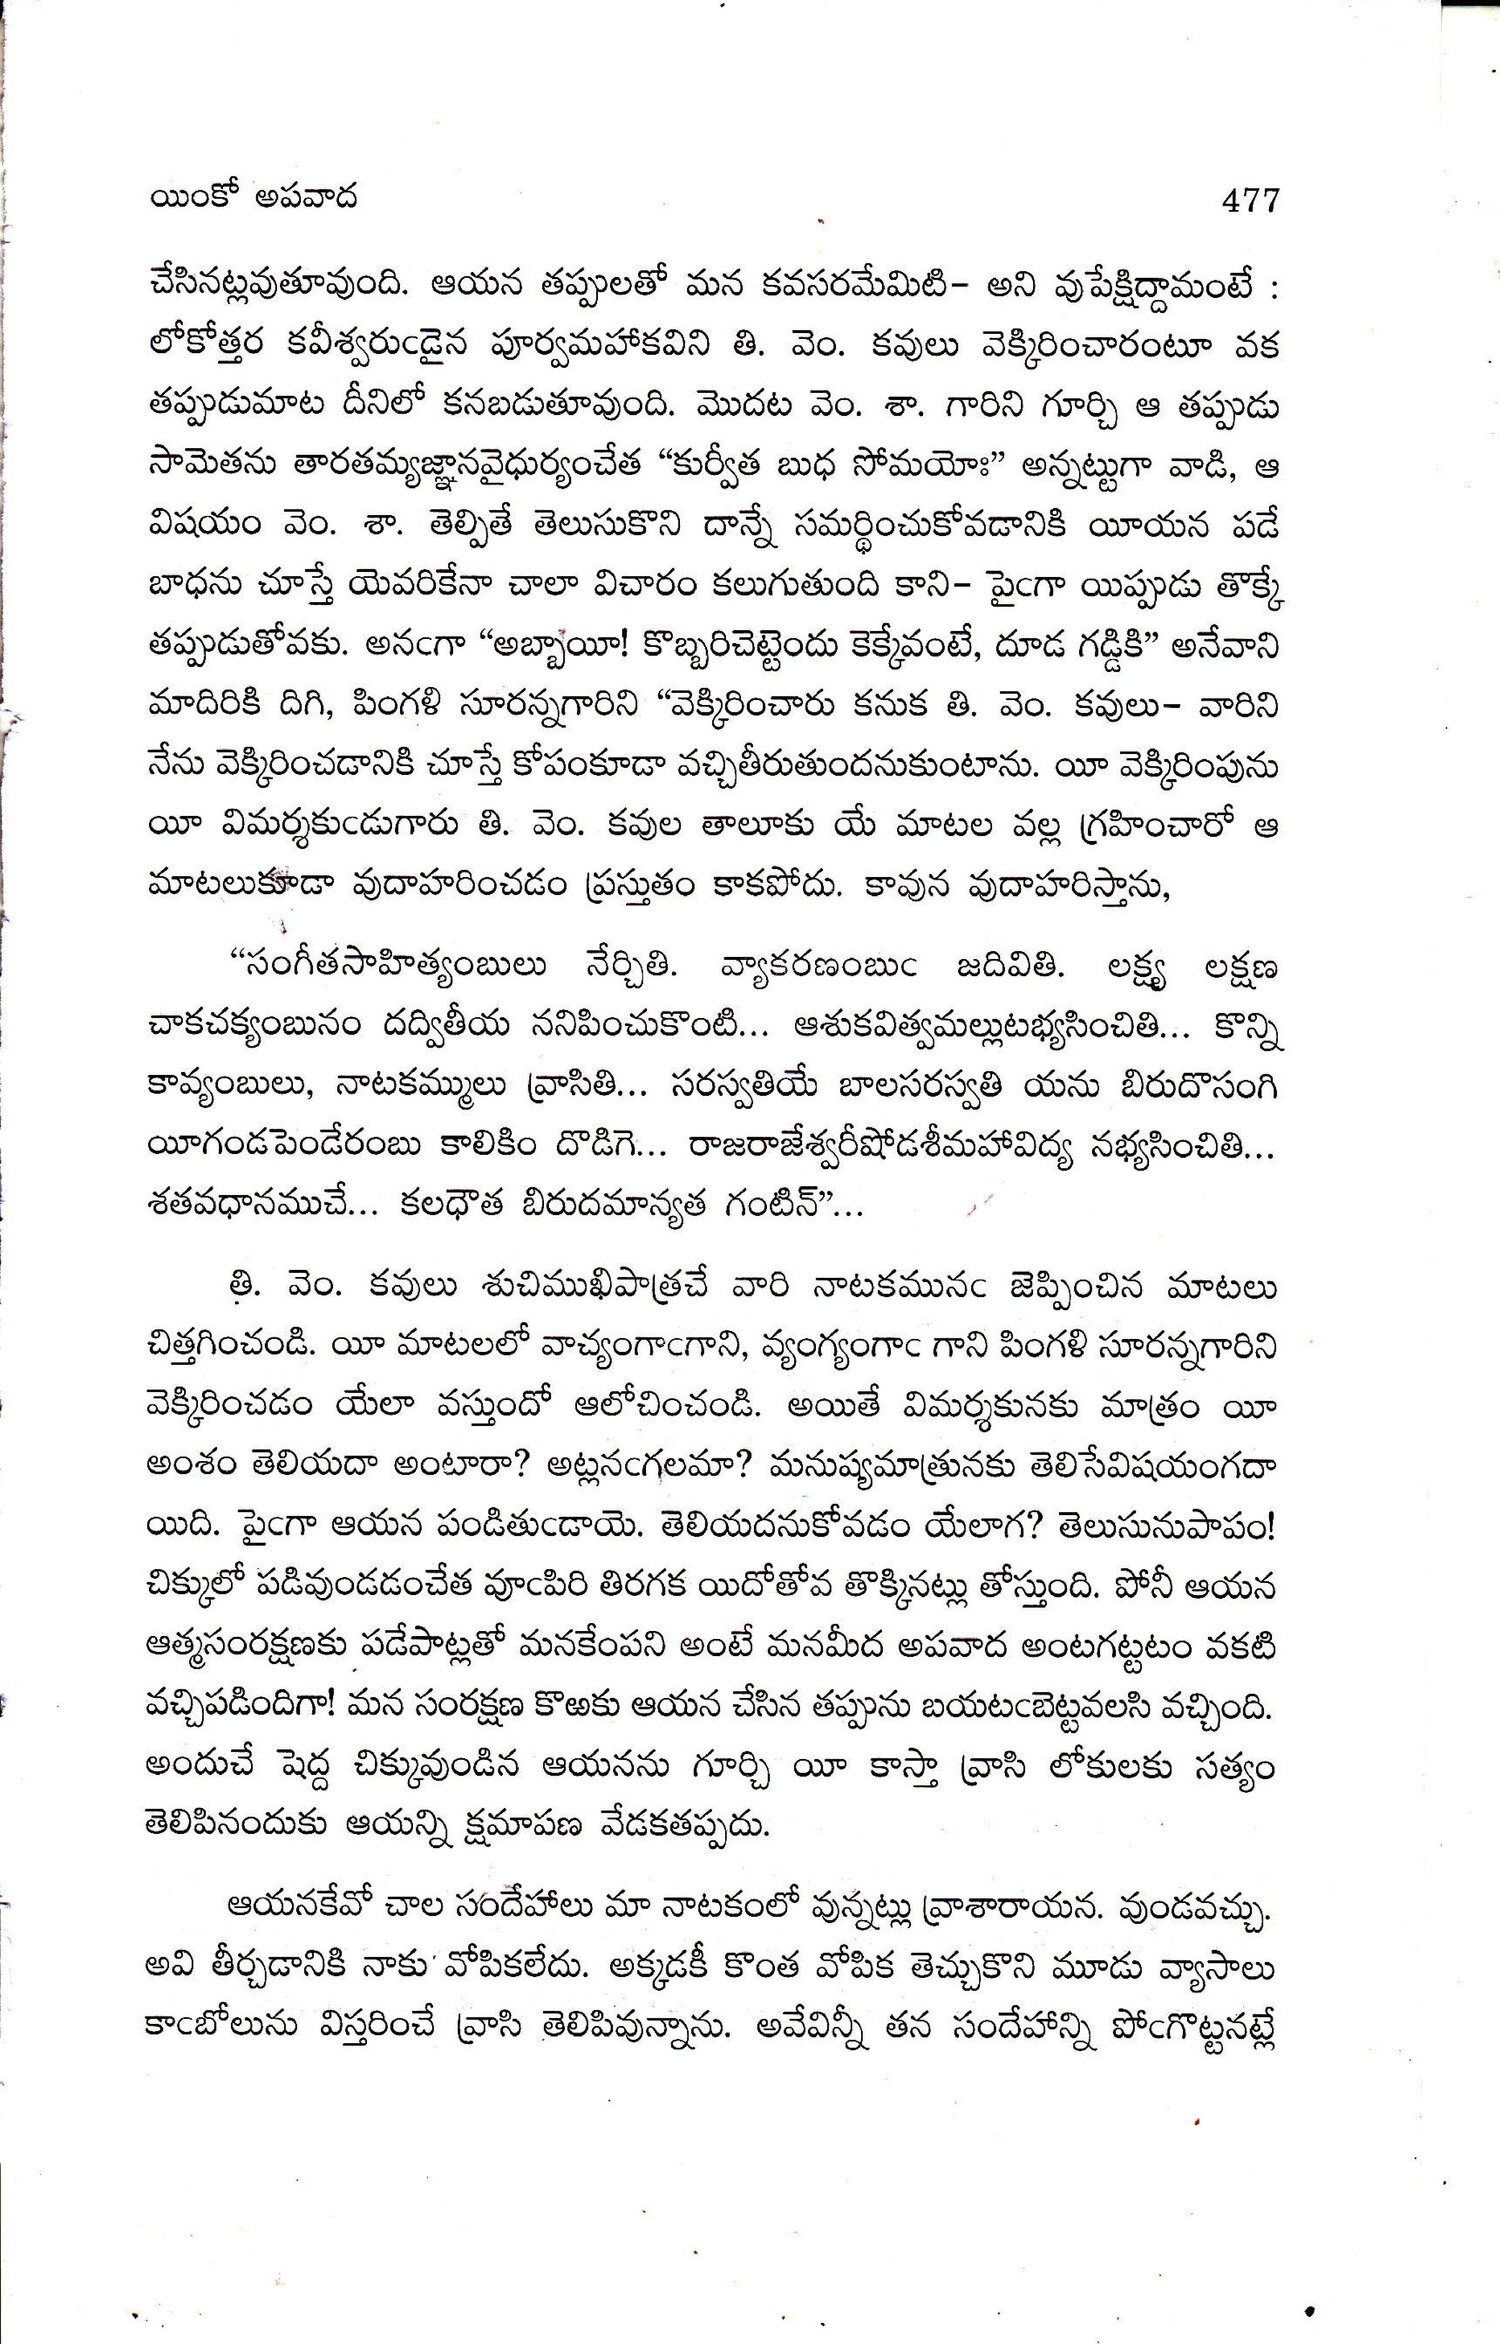చేసినట్లవుతూవుంది. ఆయన తప్పులతో మన కవసరమేమిటి- అని వుపేక్షిద్దామంటే : లోకోత్తర కవీశ్వరుఁడైన పూర్వమహాకవిని తి. వెం. కవులు వెక్కిరించారంటూ వక తప్పుడుమాట దీనిలో కనబడుతూవుంది. మొదట వెం. శా. గారిని గూర్చి ఆ తప్పుడు సామెతను తారతమ్యజ్ఞానవైధుర్యంచేత “కుర్వీత బుధ సోమయోః” అన్నట్టుగా వాడి, ఆ విషయం వెం. శా. తెల్పితే తెలుసుకొని దాన్నే సమర్థించుకోవడానికి యీయన పడే బాధను చూస్తే యెవరికేనా చాలా విచారం కలుగుతుంది కాని- పైఁగా యిప్పుడు తొక్కే తప్పుడుతోవకు. అనఁగా “అబ్బాయీ! కొబ్బరిచెట్టెందు కెక్కేవంటే, దూడ గడ్డికి" అనేవాని మాదిరికి దిగి, పింగళి సూరన్నగారిని "వెక్కిరించారు కనుక తి. వెం. కవులు- వారిని నేను వెక్కిరించడానికి చూస్తే కోపంకూడా వచ్చితీరుతుందనుకుంటాను. యీ వెక్కిరింపును యీ విమర్శకుఁడుగారు తి. వెం. కవుల తాలూకు యే మాటల వల్ల గ్రహించారో ఆ మాటలుకూడా వుదాహరించడం ప్రస్తుతం కాకపోదు. కావున వుదాహరిస్తాను,

"సంగీతసాహిత్యంబులు నేర్చితి. వ్యాకరణంబుఁ జదివితి. లక్ష్య లక్షణ చాకచక్యంబునం దద్వితీయ ననిపించుకొంటి. ఆశుకవిత్వమల్లుటభ్యసించితి. కొన్ని కావ్యంబులు, నాటకమ్ములు వ్రాసితి. సరస్వతియే బాలసరస్వతి యను బిరుదొసంగి యీగండపెండేరంబు కాలికిం దొడిగె. రాజరాజేశ్వరీషోడశీమహావిద్య నభ్యసించితి. శతవధానముచే... కలధౌత బిరుదమాన్యత గంటిన్”. ... "

తి. వెం. కవులు శుచిముఖిపాత్రచే వారి నాటకమునఁ జెప్పించిన మాటలు చిత్తగించండి. యీ మాటలలో వాచ్యంగాఁగాని, వ్యంగ్యంగాఁ గాని పింగళి సూరన్నగారిని వెక్కిరించడం యేలా వస్తుందో ఆలోచించండి. అయితే విమర్శకునకు మాత్రం యీ అంశం తెలియదా అంటారా? అట్లనఁగలమా? మనుష్యమాత్రునకు తెలిసేవిషయంగదా యిది. పైఁగా ఆయన పండితుఁడాయె. తెలియదనుకోవడం యేలాగ? తెలుసునుపాపం! చిక్కులో పడివుండడంచేత వూఁపిరి తిరగక యిదోతోవ తొక్కినట్లు తోస్తుంది. పోనీ ఆయన ఆత్మసంరక్షణకు పడేపాట్లతో మనకేంపని అంటే మనమీద అపవాద అంటగట్టటం వకటి వచ్చిపడిందిగా! మన సంరక్షణ కొఱకు ఆయన చేసిన తప్పును బయటఁబెట్టవలసి వచ్చింది. అందుచే షెద్ద చిక్కువుండిన ఆయనను గూర్చి యీ కాస్తా వ్రాసి లోకులకు సత్యం తెలిపినందుకు ఆయన్ని క్షమాపణ వేడకతప్పదు.

ఆయనకేవో చాల సందేహాలు మా నాటకంలో వున్నట్లు వ్రాశారాయన. వుండవచ్చు. అవి తీర్చడానికి నాకు వోపికలేదు. అక్కడకీ కొంత వోపిక తెచ్చుకొని మూడు వ్యాసాలు కాఁబోలును విస్తరించే వ్రాసి తెలిపివున్నాను. అవేవిన్నీ తన సందేహాన్ని పోఁగొట్టనట్లే